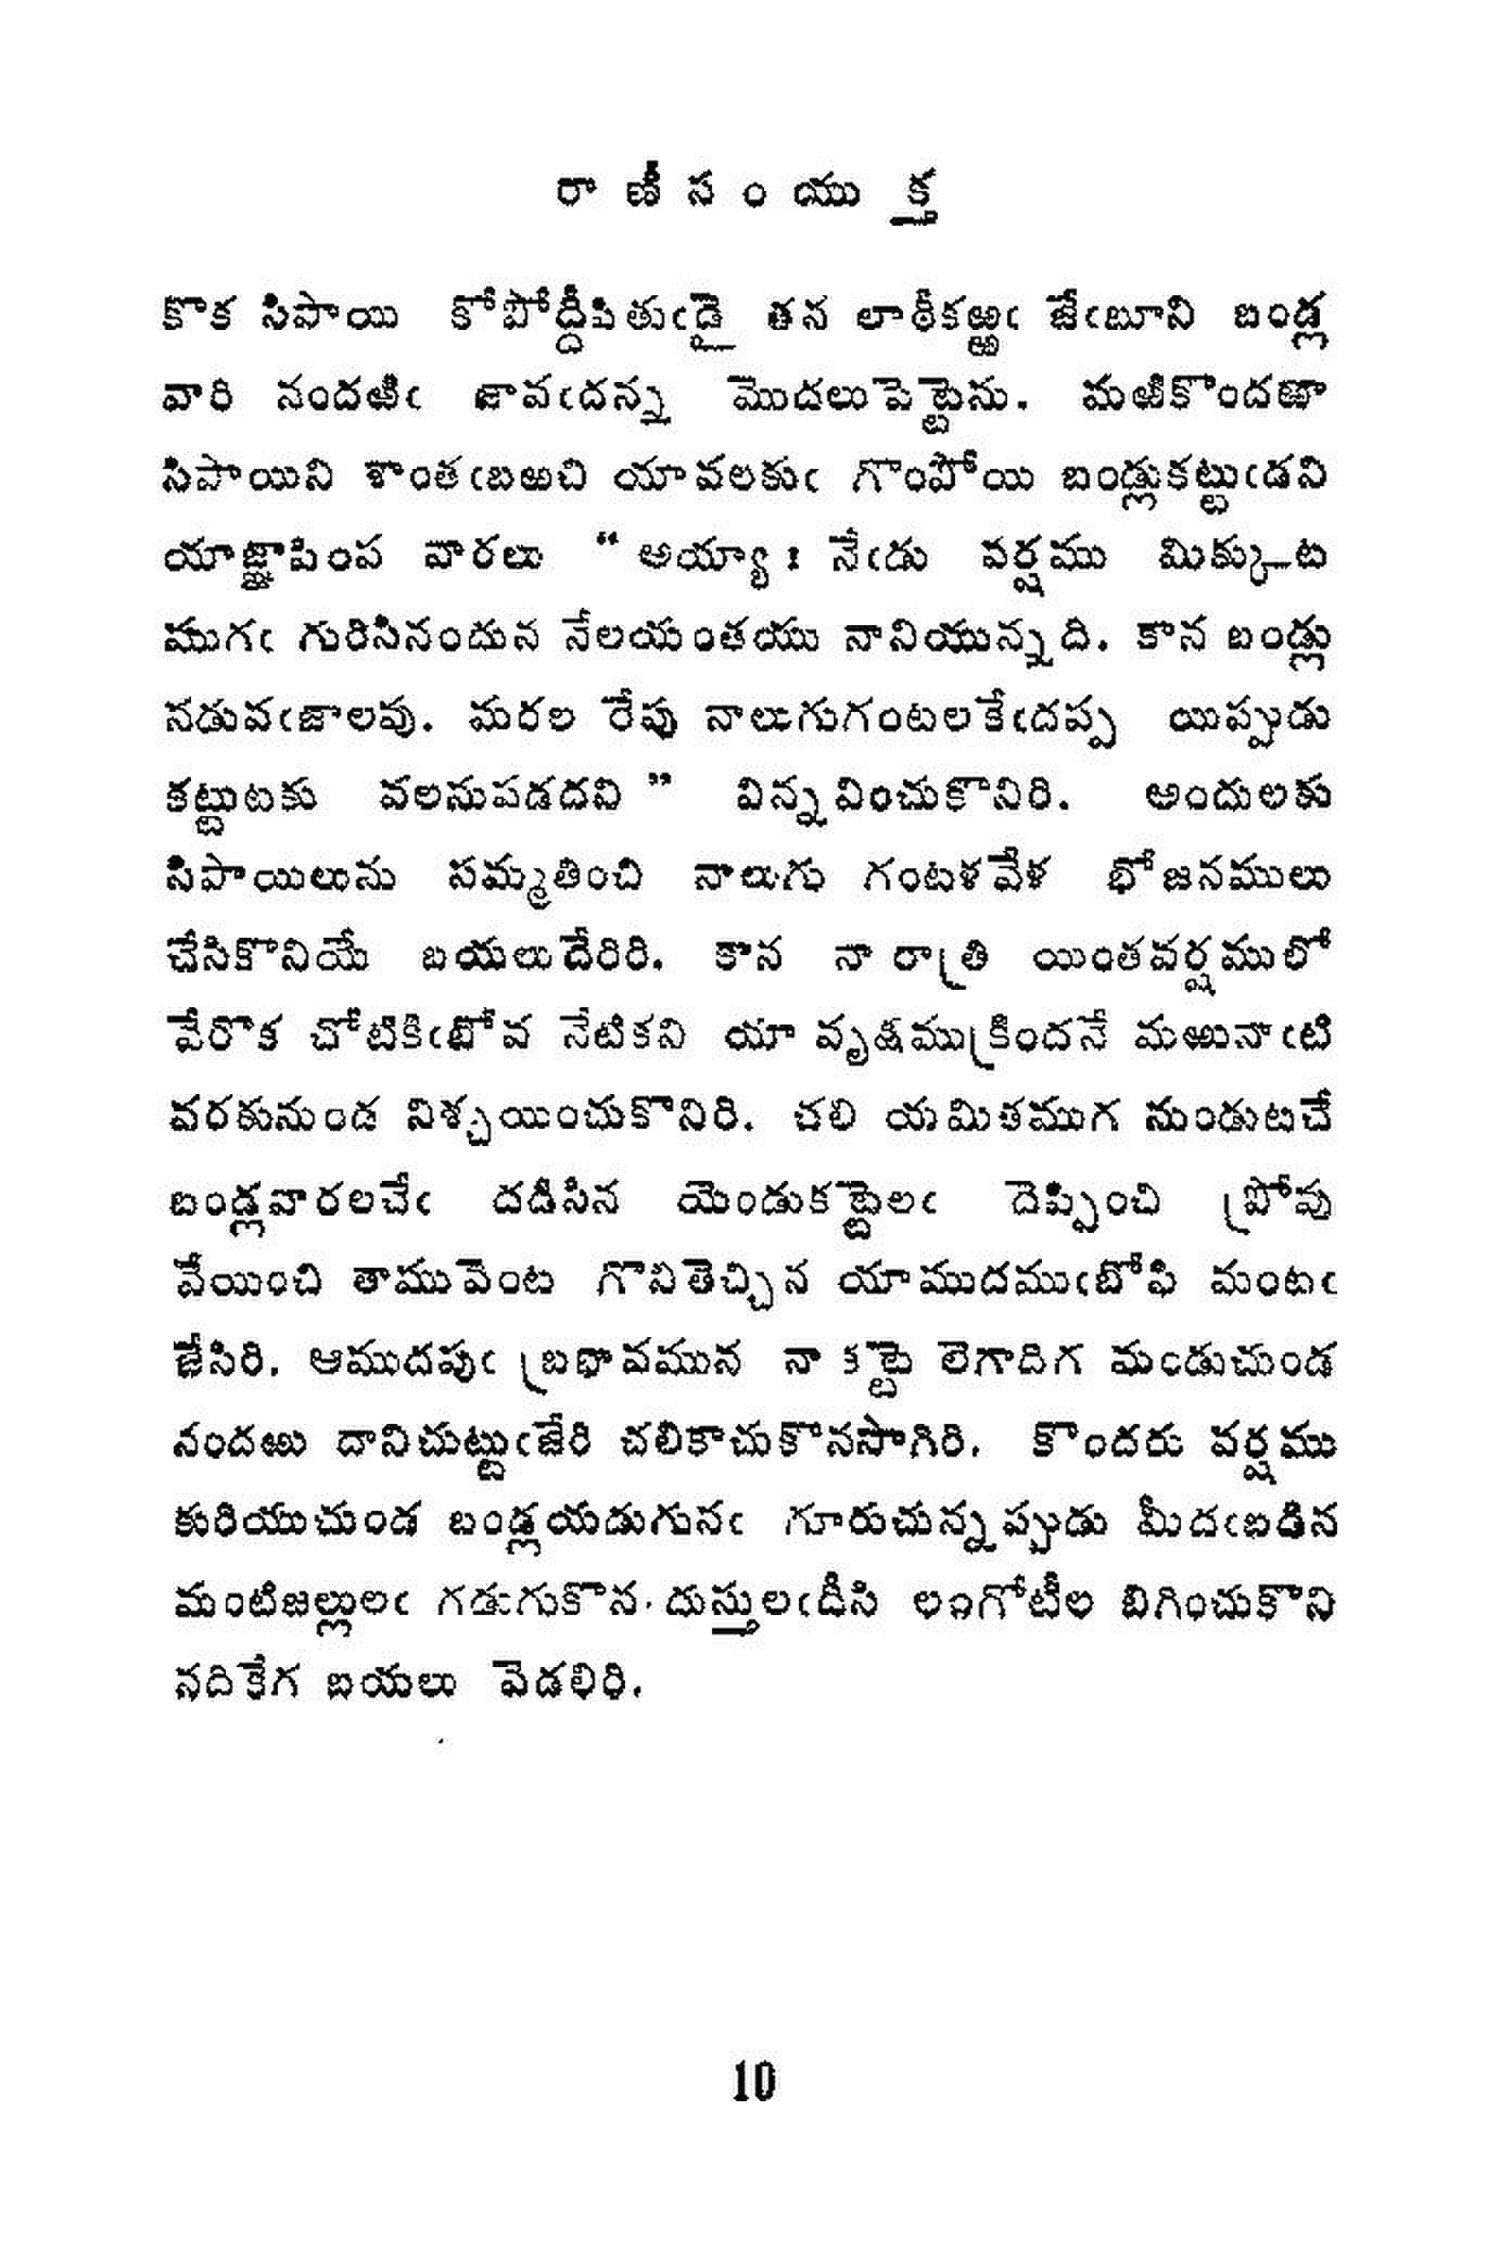కొక సిఫాయి కోపోద్దీపితుఁడై తన లాఠీకఱ్ఱఁ జేఁబూని బండ్లవారి నందఱిఁ జావఁదన్న మొదలుపెట్టెను. మఱికొందఱా సిపాయిని శాంతఁబఱచి యావలకుఁ గొంపోయి బండ్లుకట్టుఁడని యాజ్ఞాపింప వారలు " అయ్యా ! నేఁడు వర్షము మిక్కుటముగఁ గురిసినందున నేలయంతయు నానియున్నది. కాన బండ్లు నడువఁజాలవు. మరల రేపు నాలుగుగంటలకేఁదప్ప యిప్పుడు కట్టుటకు వలనుపడదవి " విన్నవించుకొనిరి. అందులకు సిపాయిలును సమ్మతించి నాలుగు గంటకవేళ భోజనములు చేసికొనియే బయలుదేరిరి. కొన నా రాత్రి యింతవర్షములో వేరొక చోటికిఁబోవ నేటికని యా వృక్షముక్రిందనే మఱునాటి వరకునుండ నిశ్చయించుకొనిరి. చలి యమితముగ నుండుటచే బండ్లవారలచేఁ దడిసిన యెండుకట్టెలఁ దెప్పించి ప్రోవు వేయించి తామువెంట గొనితెచ్చిన యాముదముఁబోసి మంటఁజేసిరి, ఆముదపుఁ బ్రభావమున నా కట్టె లెగాదిగ మండుచుండ నందఱు దానిచుట్టుఁజేరి చలికాచుకొనసాగిరి. కొందరు వర్షము కురియుచుండ బండ్లయడుగునఁ గూరుచున్నప్పుడు మీదఁబడిన మంటిజల్లులఁ గడుగుకొన దుస్తులఁదీసి లంగోటీల బిగించుకొని నదికేగ బయలు వెడలిరి.